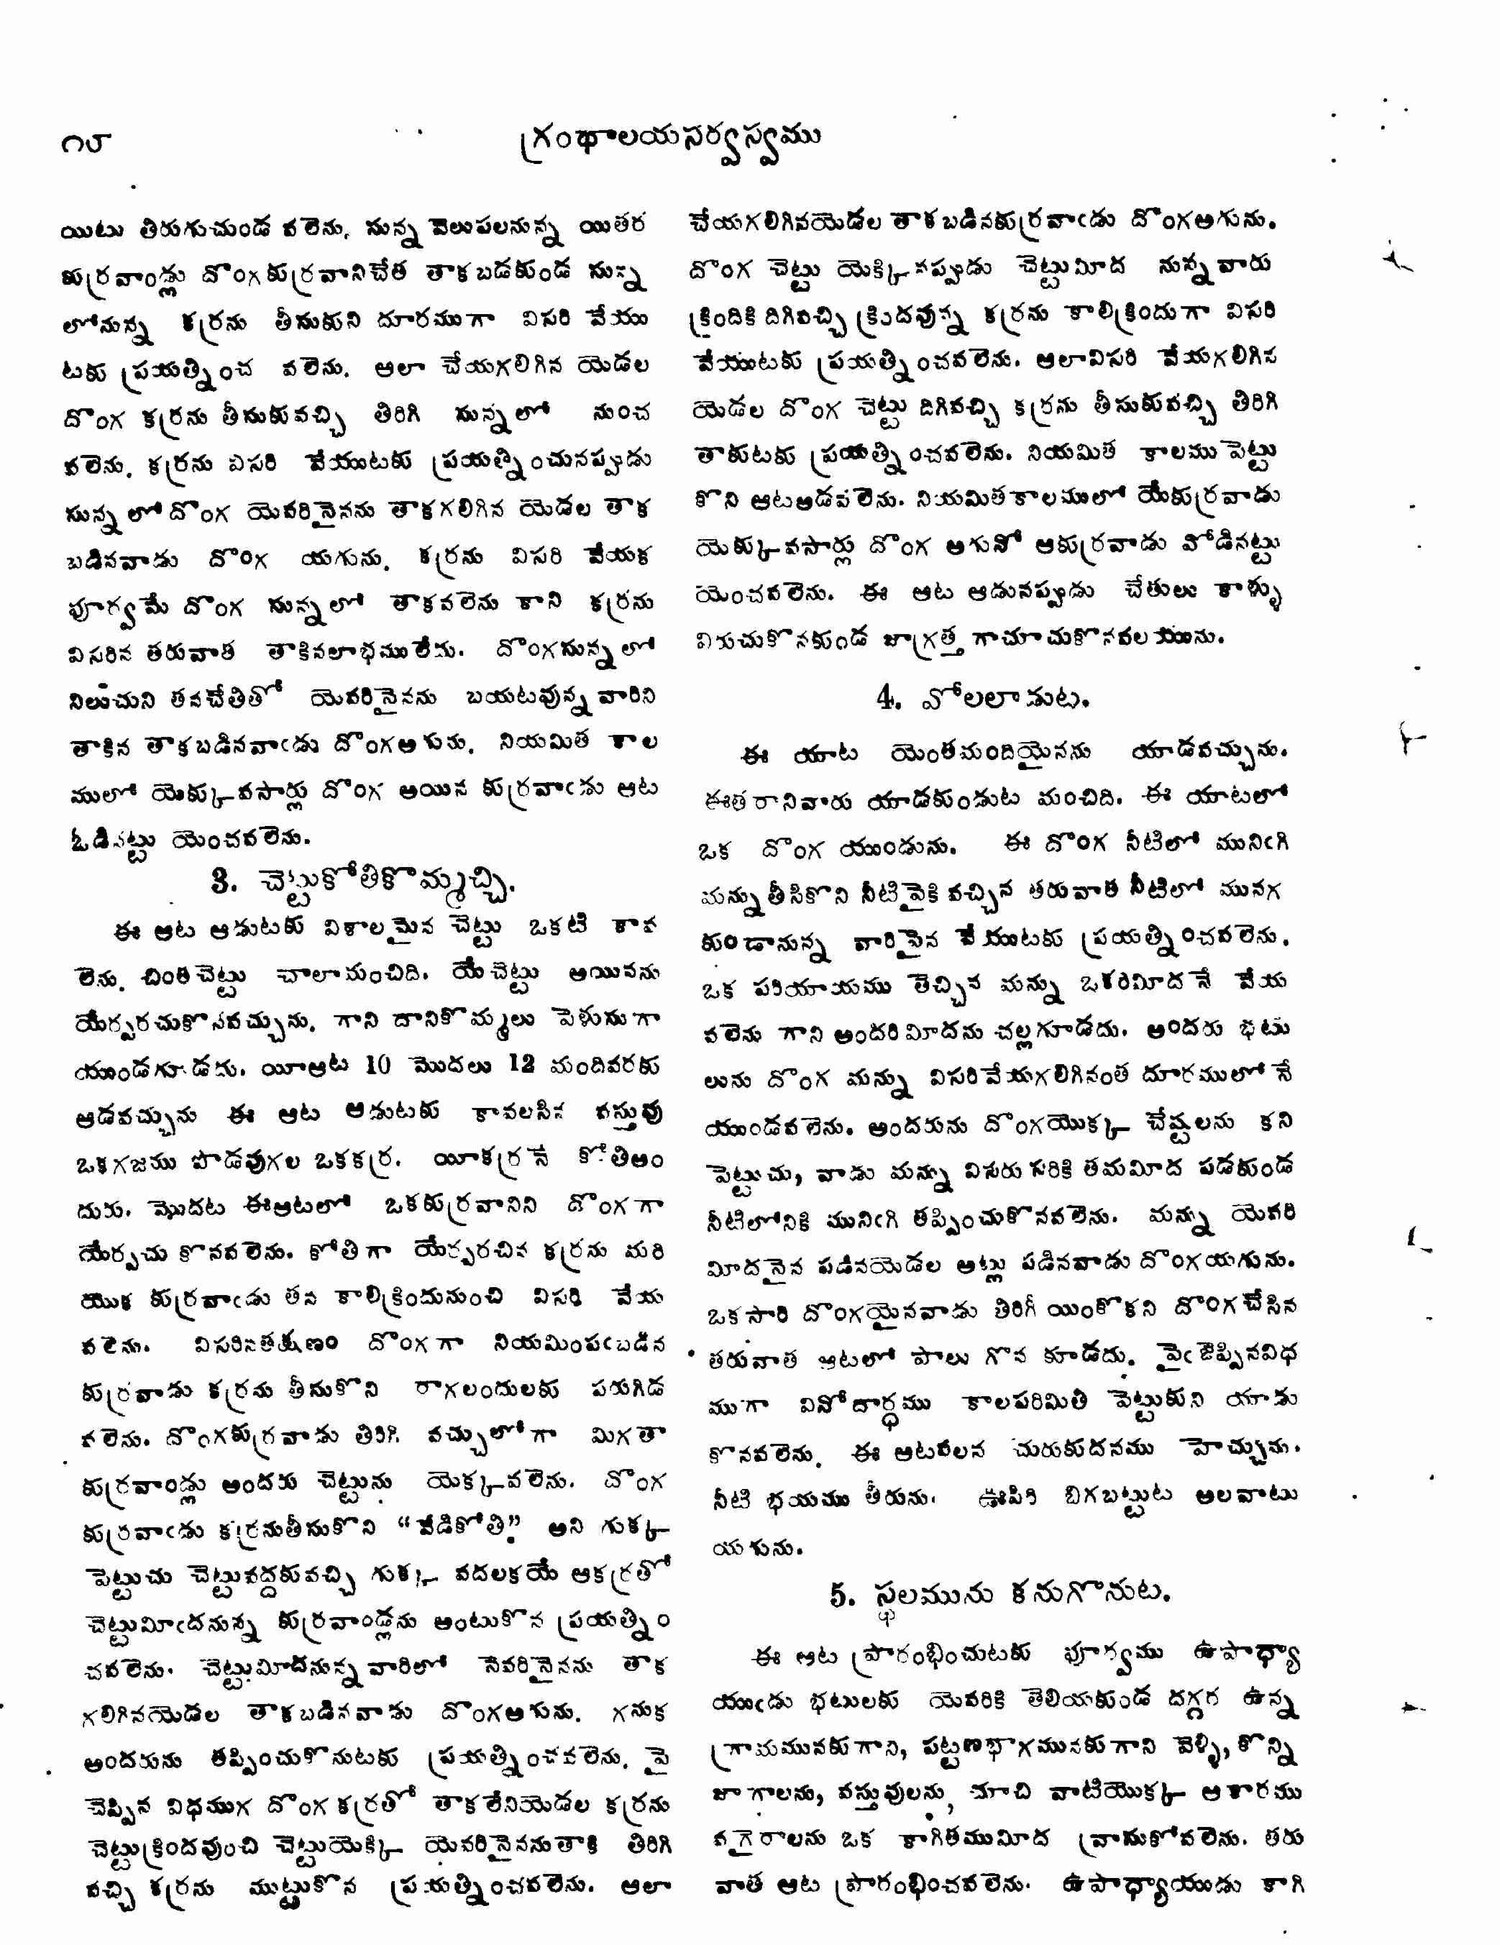నుంచ
యిటు తిరుగుచుండ వలెను. నున్న వెలుపలనున్న యితర కుర్రవాండ్లు దొంగ కుర్రవానిచేత తాకబడకుండ నున్నా
లోనున్న కర్రను తీసుకుని దూరముగా విసరి వేయుటకు ప్రయత్నించ వలెను. అలా చేయగలిగిన యెడల దొంగ కర్రను తీసుకువచ్చి తిరిగి నున్నలో నుంచవలెను. కర్రను విసరి వేయుటకు ప్రయత్నించునప్పుడు సున్నలో దొంగ యెవరినైనను తాకగలిగిన యెడల తాక
బడినవాడు దొంగ యగును. కర్రను విసరి వేయక పూర్వమే దొంగ సున్నలో తాకవలెను కాని కర్రను విసరిన తరువాత తాకిన లాభము
లేదు. దొంగ నున్నలో నిలుచుని తనచేతితో యెవరినైనను బయటవున్న వారిని తాకిన తాకబడినవాఁడు దొంగ అగును. నియమిత 
కాలములో యెక్కువసార్లు దొంగ అయిన కుర్రవాడు ఆట ఓడినట్టు యెంచవలెను.

ఈ ఆట ఆడుటకు విశాలమైన చెట్టు ఒకటి కావలెను. చింత చెట్టు చాలా మంచిది. యేచెట్టు అయినను యేర్పరచుకొనవచ్చును. గాని దానికొమ్మలు పెళుసుగా యండగూడదు. యీఆట 10 మొదలు 12 మందివరకు ఆడవచ్చును ఈ ఆట ఆడుటకు కావలసిన వస్తువు
ఒక గజము పొడవుగల ఒక కర్ర. యీ కర్రనే కోతి అందురు. మొదట ఈఆటలో ఒక కుర్రవానిని దొంగగా యేర్పచు కొనవలెను. కోతిగా యేర్పరచిన కర్రను మరియొక కుర్రవాఁడు తన కాలిక్రిందునుంచి విసరి వేయవలెను. విసరినితక్షణం దొంగగా నియమింపఁబడిన
కుర్రవాడు కర్రను తీసుకొని రాగలందులకు పరుగిడవలెను. దొంగకుర్రవాడు తిరిగి వచ్చులోగా మిగతా కుర్రవాండ్లు అందరు చెట్టును యెక్కవలెను. దొంగ కుర్రవాఁడు కర్రనుతీసుకొని “వేడికోతి" అని గుక్కపెట్టుచు చెట్టువద్దకువచ్చి గుక్క వదలకయే ఆకర్రతో
చెట్టుమీఁదనున్న కుర్రవాండ్లను అంటుకొనే ప్రయత్నించవలెను. చెట్టుమీదనున్న వారిలో నెవరినైనను తాకగలిగినయెడల తాకబడినవాడు దొంగఆగును. గనుక అందరును తప్పించుకొనుటకు ప్రయత్నించవలెను. పైచెప్పిన విధముగ దొంగ కర్రతో తాకలేనియెడల కర్రను
చెట్టుక్రిందవుంచి చెట్టుయెక్కి యెవరినైనను తాకి తిరిగి వచ్చి కర్రను ముట్టుకొనే ప్రయత్నించవలెను. అలా చేయగలిగినయెడల తాశ బడినకుర్రవాఁడు దొంగఅగును. దొంగ చెట్టు యెక్కినప్పుడు చెట్టుమీద నున్నవారు క్రిందికి దిగివచ్చి క్రిందవున్న కర్రను కాలిక్రిందుగా విసరి వేయుటకు ప్రయత్నించవలెను. అలా విసరి వేయగలిగిన యెడల దొంగ చెట్టు దిగివచ్చి కర్రను తీసుకువచ్చి తిరిగి తాకుటకు ప్రయత్నించవలెను. నియమితకాలములో యేకుర్రవాడు యెక్కువసార్లు దొంగ అగునో ఆకుర్రవాడు వోడినట్టు యెంచవలెను. ఈ ఆట ఆడునప్పుడు చేతులు కాళ్ళు విరుచుకొనకుండ జాగ్రత్త గాచూచుకొనవలయును.

ఈ యాట యెంతమందియైనను యాడవచ్చును. ఈత రానివారు యాడకుండుట మంచిది. ఈ యాటలో ఒక దొంగ యుండును. ఈ దొంగ నీటిలో మునిఁగి మన్ను తీసికొని నీటి పైకి వచ్చిన తరువాత నీటిలో మునగ కుండానున్న వారిపైన వేయుటకు ప్రయత్నించ వలెను. ఒక పరియాయము తెచ్చిన మన్ను ఒకరిమీదనే వేయవలెను గాని అందరిమీదను చల్లగూడదు. అందరు భటులును దొంగ మన్ను విసరివేయగలిగినంత దూరములో నేయుండవలెను. అందరును దొంగ యొక్క చేష్టలను కనిపెట్టుచు, వాడు మన్ను విశురు 
సరికి తమమీద పడకుండ నీటిలోనికి మునిఁగి తప్పించుకొనవలెను. మన్ను యెవరిమీదనైన పడినయెడల ఆట్లు పడినవాడు దొంగయగును. ఒక సారి దొంగయైనవాడు తిరిగీ యింకొకని దొంగచేసిన తరువాత ఆటలో పాలు గొన కూడదు. పైఁ జెప్పినవిధముగా వినోదార్ధము కాలపరిమితి పెట్టుకుని యాడు కొనవలెను. ఈ ఆటవలన చురుకుదనము హెచ్చును. నీటి భయము తీరును. ఊపిరి బిగబట్టుట అలవాటు అగును. 

ఈ ఆట ప్రారంభించుటకు పూర్వము ఉపాధ్యాయుఁడు భటులకు యెవరికి తెలియకుండ దగ్గర ఉన్న గ్రామమునకుగాని, పట్టణ భాగమునకు గాని వెళ్ళి, కొన్ని జాగాలను, వస్తువులను చూచి వాటియొక్క ఆకారము వగైరాలను ఒక కాగితముమీద వ్రాసుకోవలెను. తరువాత ఆట ప్రారంభించవలెను. ఉపాధ్యాయుడు కాగి